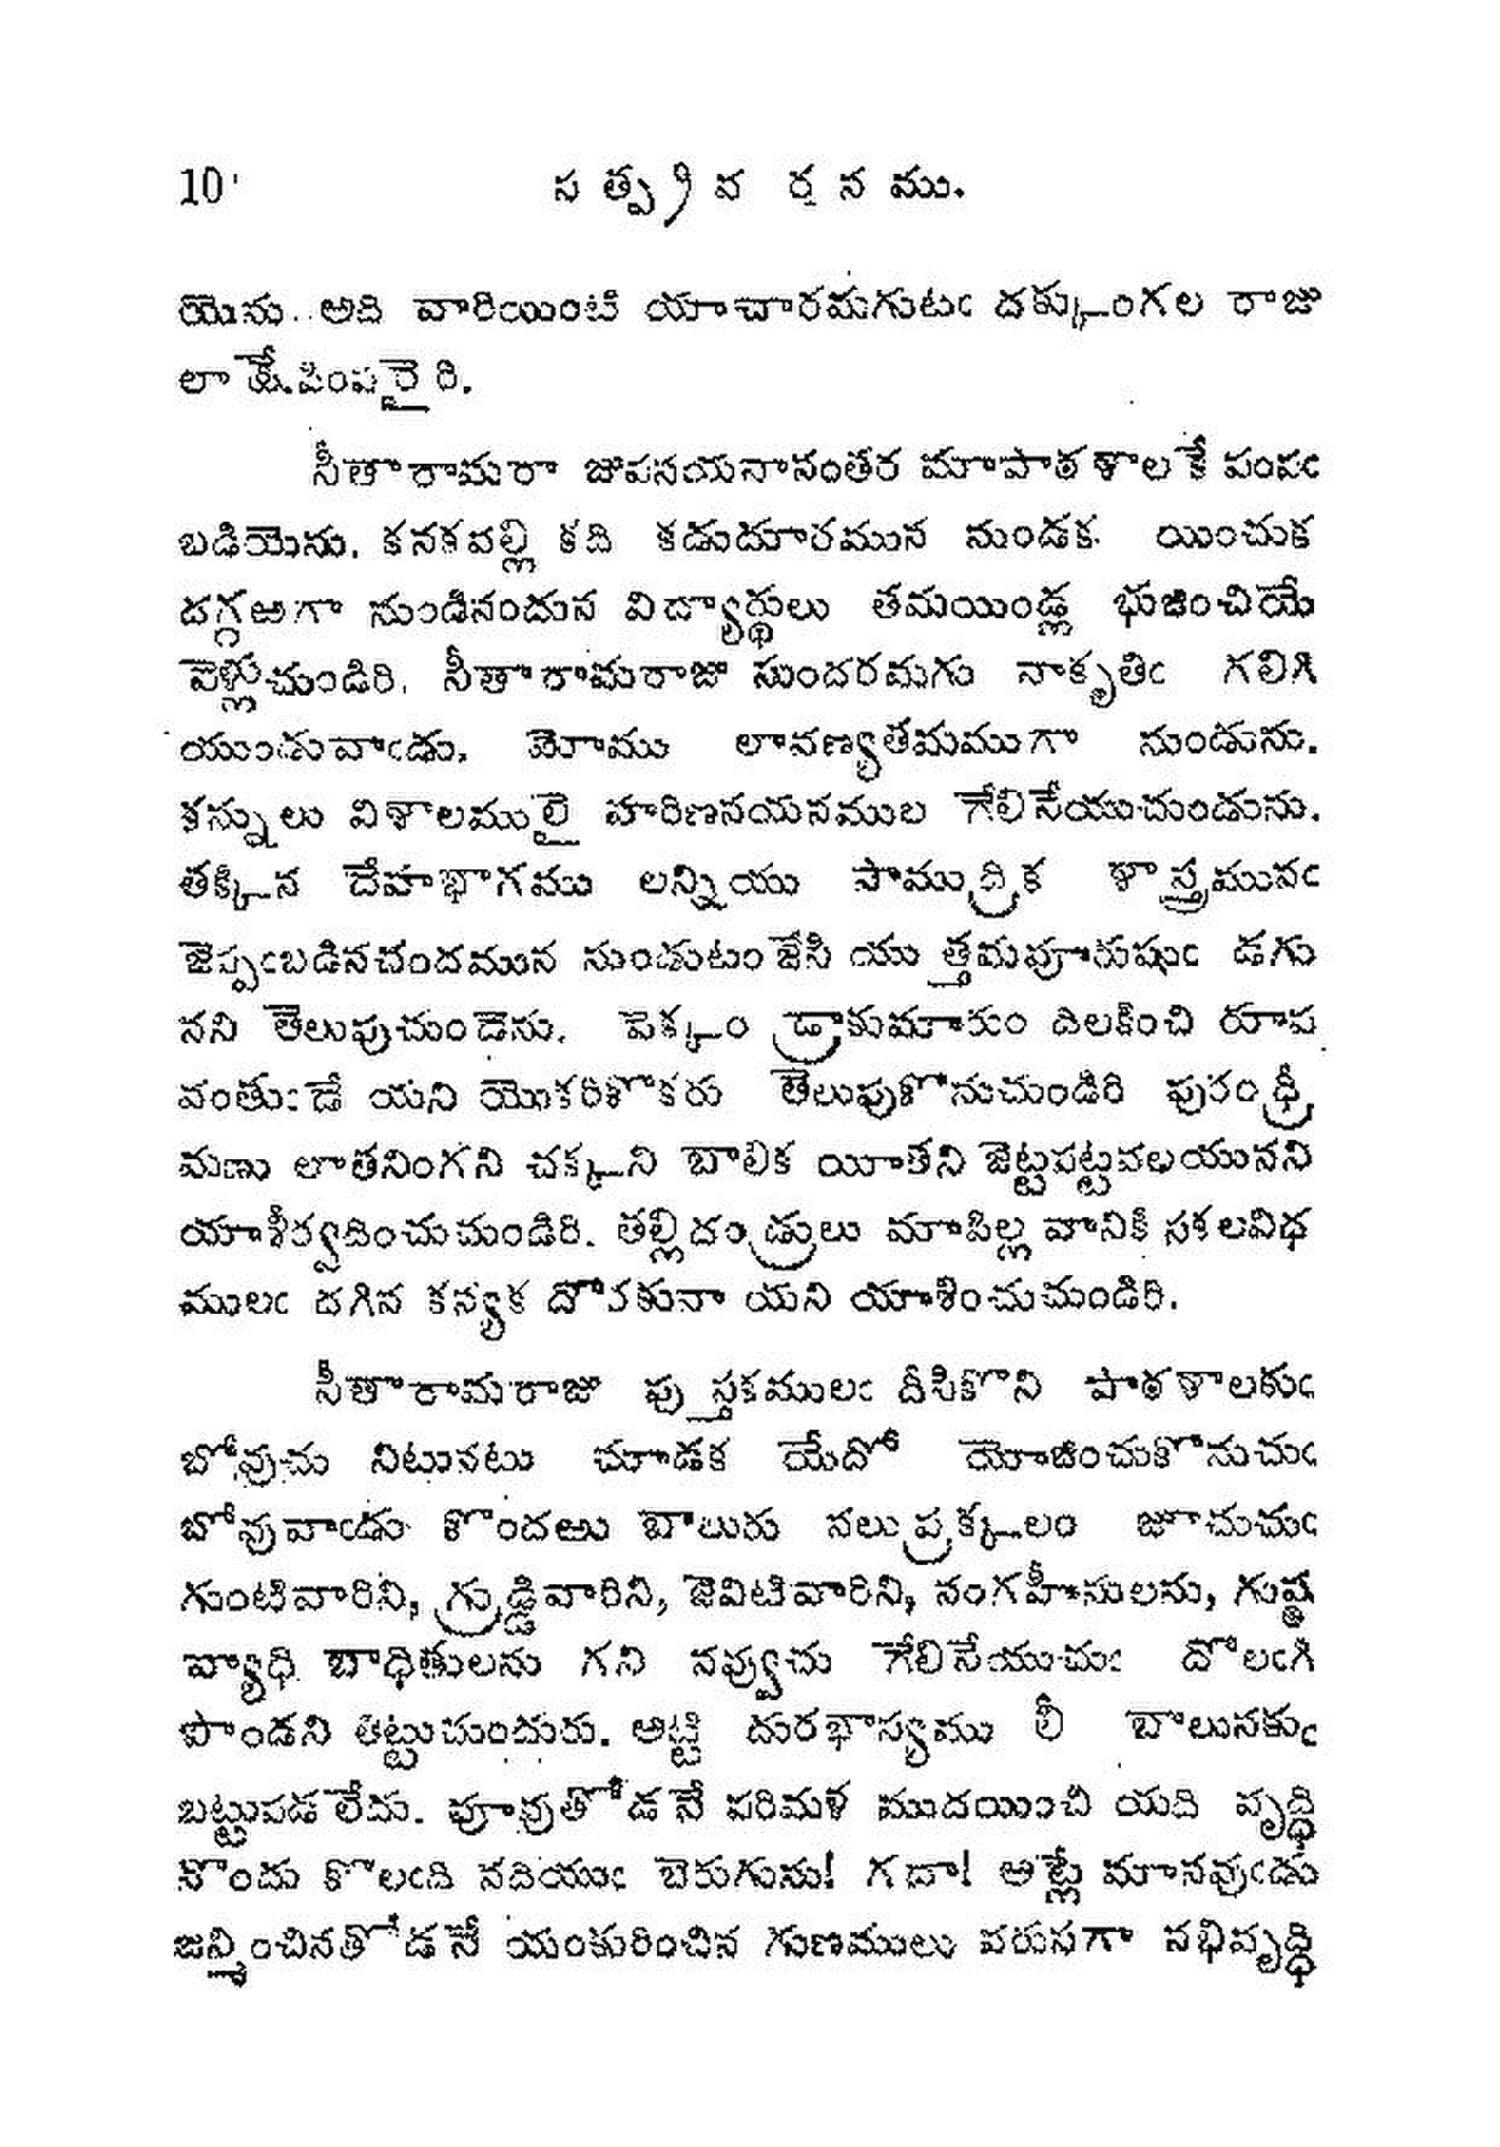యెను. అది వారియింటి యాచారమగుటఁ దక్కుంగల రాజు లాక్షేపింపరైరి.

సీతారామరాజుప సయనానంతర మా పాఠశాల కే పంపం బడియెను. కనకపల్లి కది. కడుదూరమున నుండక యించుక దగ్గఱగా నుడినందున విద్యార్థులు తమయిండ్ల భుజించియే వెళ్లుచుండిరి. సీతారామరాజు సుందరమగు నాకృతిఁ గలిగి యుండువాఁడు, మోము లావణ్యతమముగా నుండును. కన్నులు విశాలములై హరిణనయనముల గేలిచేయుచుండును, తక్కిన దేహ భాగము లన్నియు సాముద్రిక శాస్త్రమునఁ జెప్పఁబడినచందమున నుండుటం జేసి యుత్తమపూరుషుఁడగు నని తెలుపుచుండెను, పెక్కం డాకుమారుం దిలకించి రూప వంతుడే యని యొకరినొకరు తెలుపుకొనుచుండిరి పురంద్రీ మణు లాతనింగని చక్కని బాలిక యీకని బెట్టపట్టవలయునని యాశీర్వదించుచుండిరి. తల్లిదండులు మాపిల్ల వానికి సకలవిధ ములఁ దగిన కన్యక దొరకునా యని యాశీంచుచుండిరి 

.
సీతారామ రాజు పుస్తకముల దీసికొని పాఠశాలకు, బోవుచు నిటునటు చూడక యేదో యోజించుకొనుచుఁ బోవువాడు కొందఱు బాలురు నలు పక్కలం జూచుచుఁ గుంటివారిని, గుడ్డివారిని, జెవిటివారిని, సంగహీనులను, గుష్టువ్యాధి. బాధితులను గని నవ్వుచు గేలి సేయుచుఁ దొలఁగి పొండని చెప్పుచుందురు. అట్టి దురబ్యాస్యము లీ బాలునకు బట్టుపడ లేదు. పూవుతోడ నే పరిమళ ముదయించి యది వృద్ధి
కొందు కొలది నదియుఁ బెరుగును గదా! అట్లే మానవుఁడు జన్మించిన తోడ సే యంకురించిన గుణములు వరుసగా నభివృద్ధి